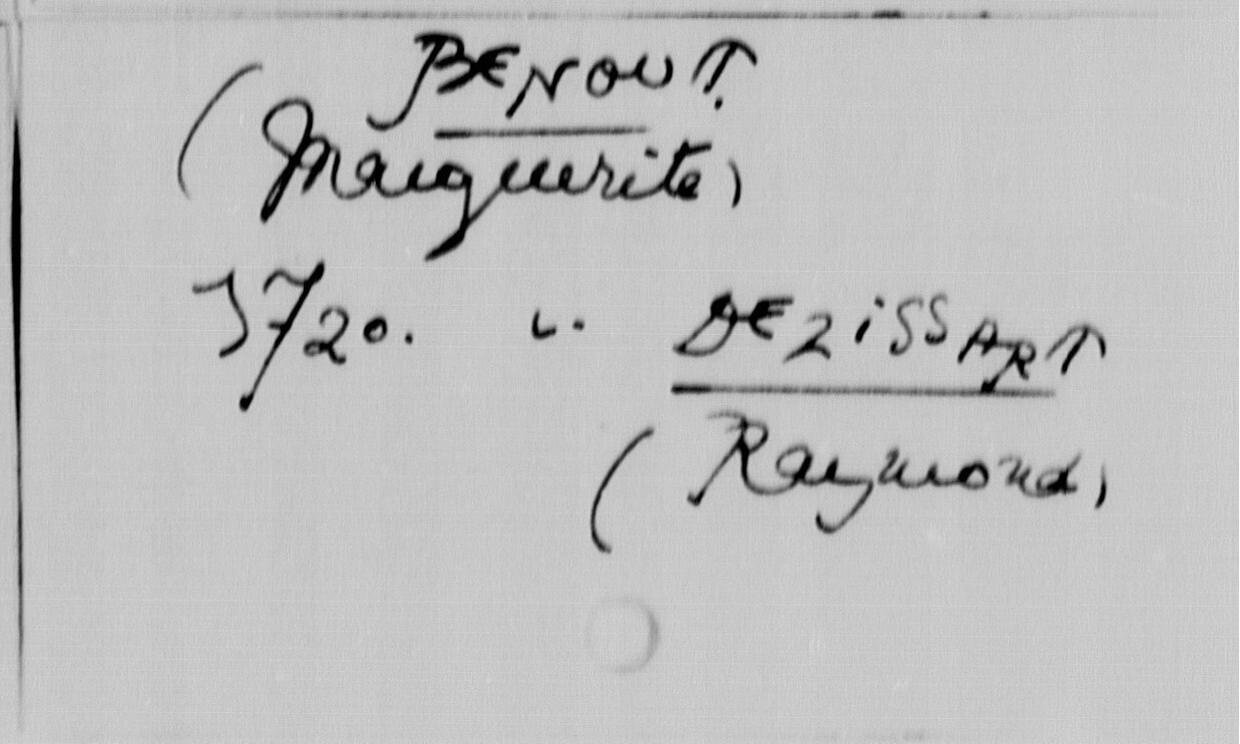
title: BENOUT (Marguerite)
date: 1720
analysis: Voir : DEZISSART (Raymond)
